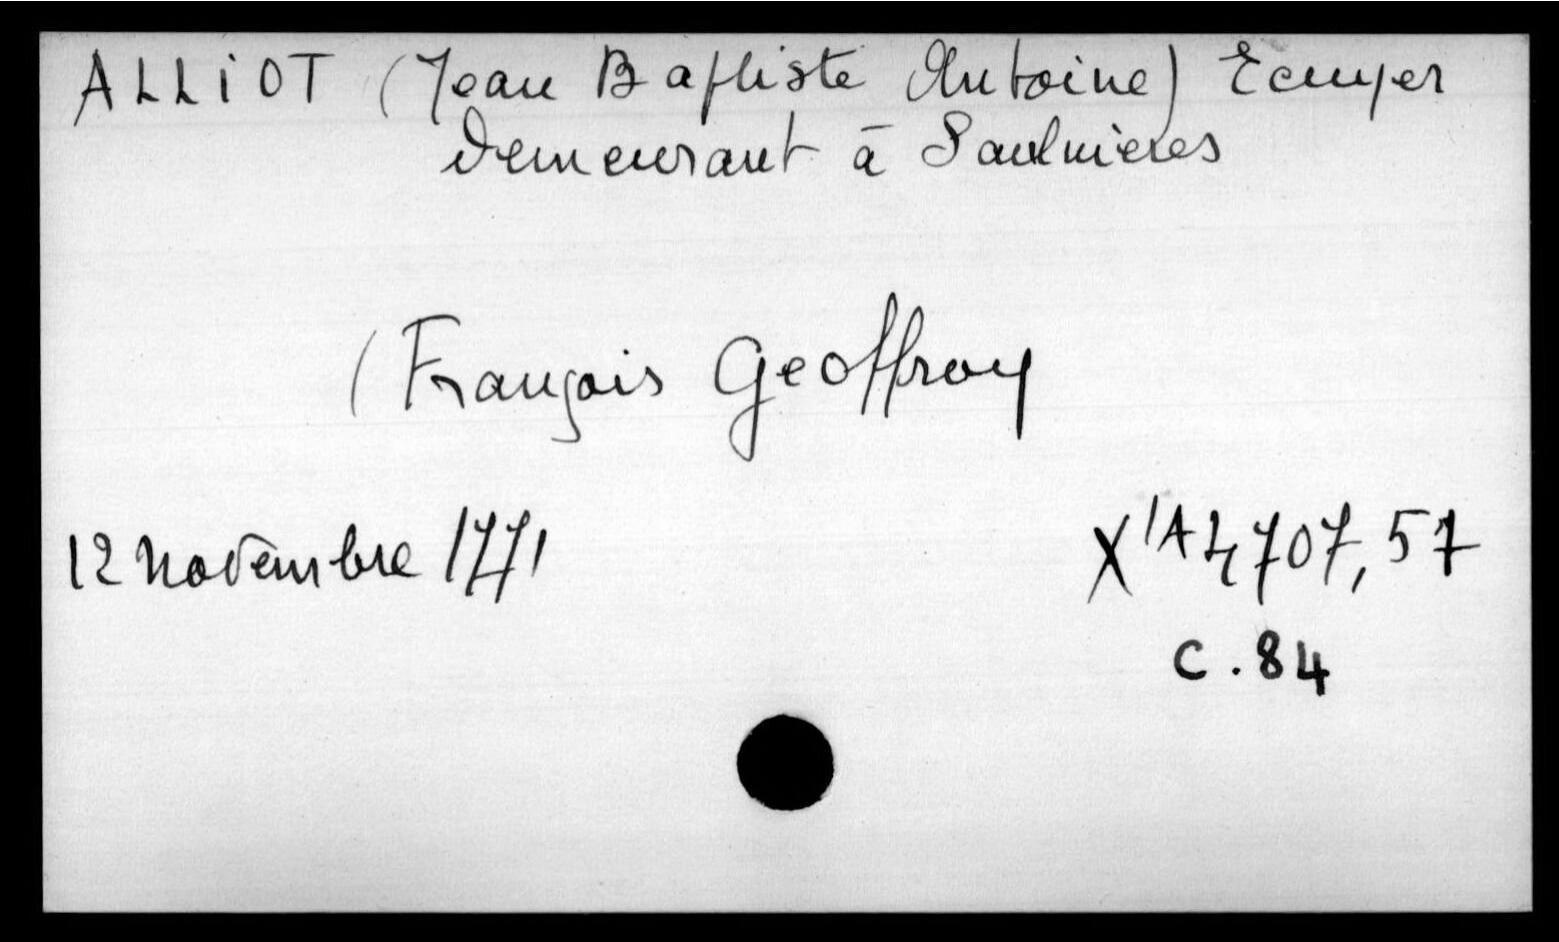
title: ALLIOT (Jean Baptiste Antoine) Ecuyer demeurant à Saulnières
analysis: Contre François Geoffroy
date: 12 novembre 1771
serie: X1A
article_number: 4707
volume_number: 57 Conseil, 84
